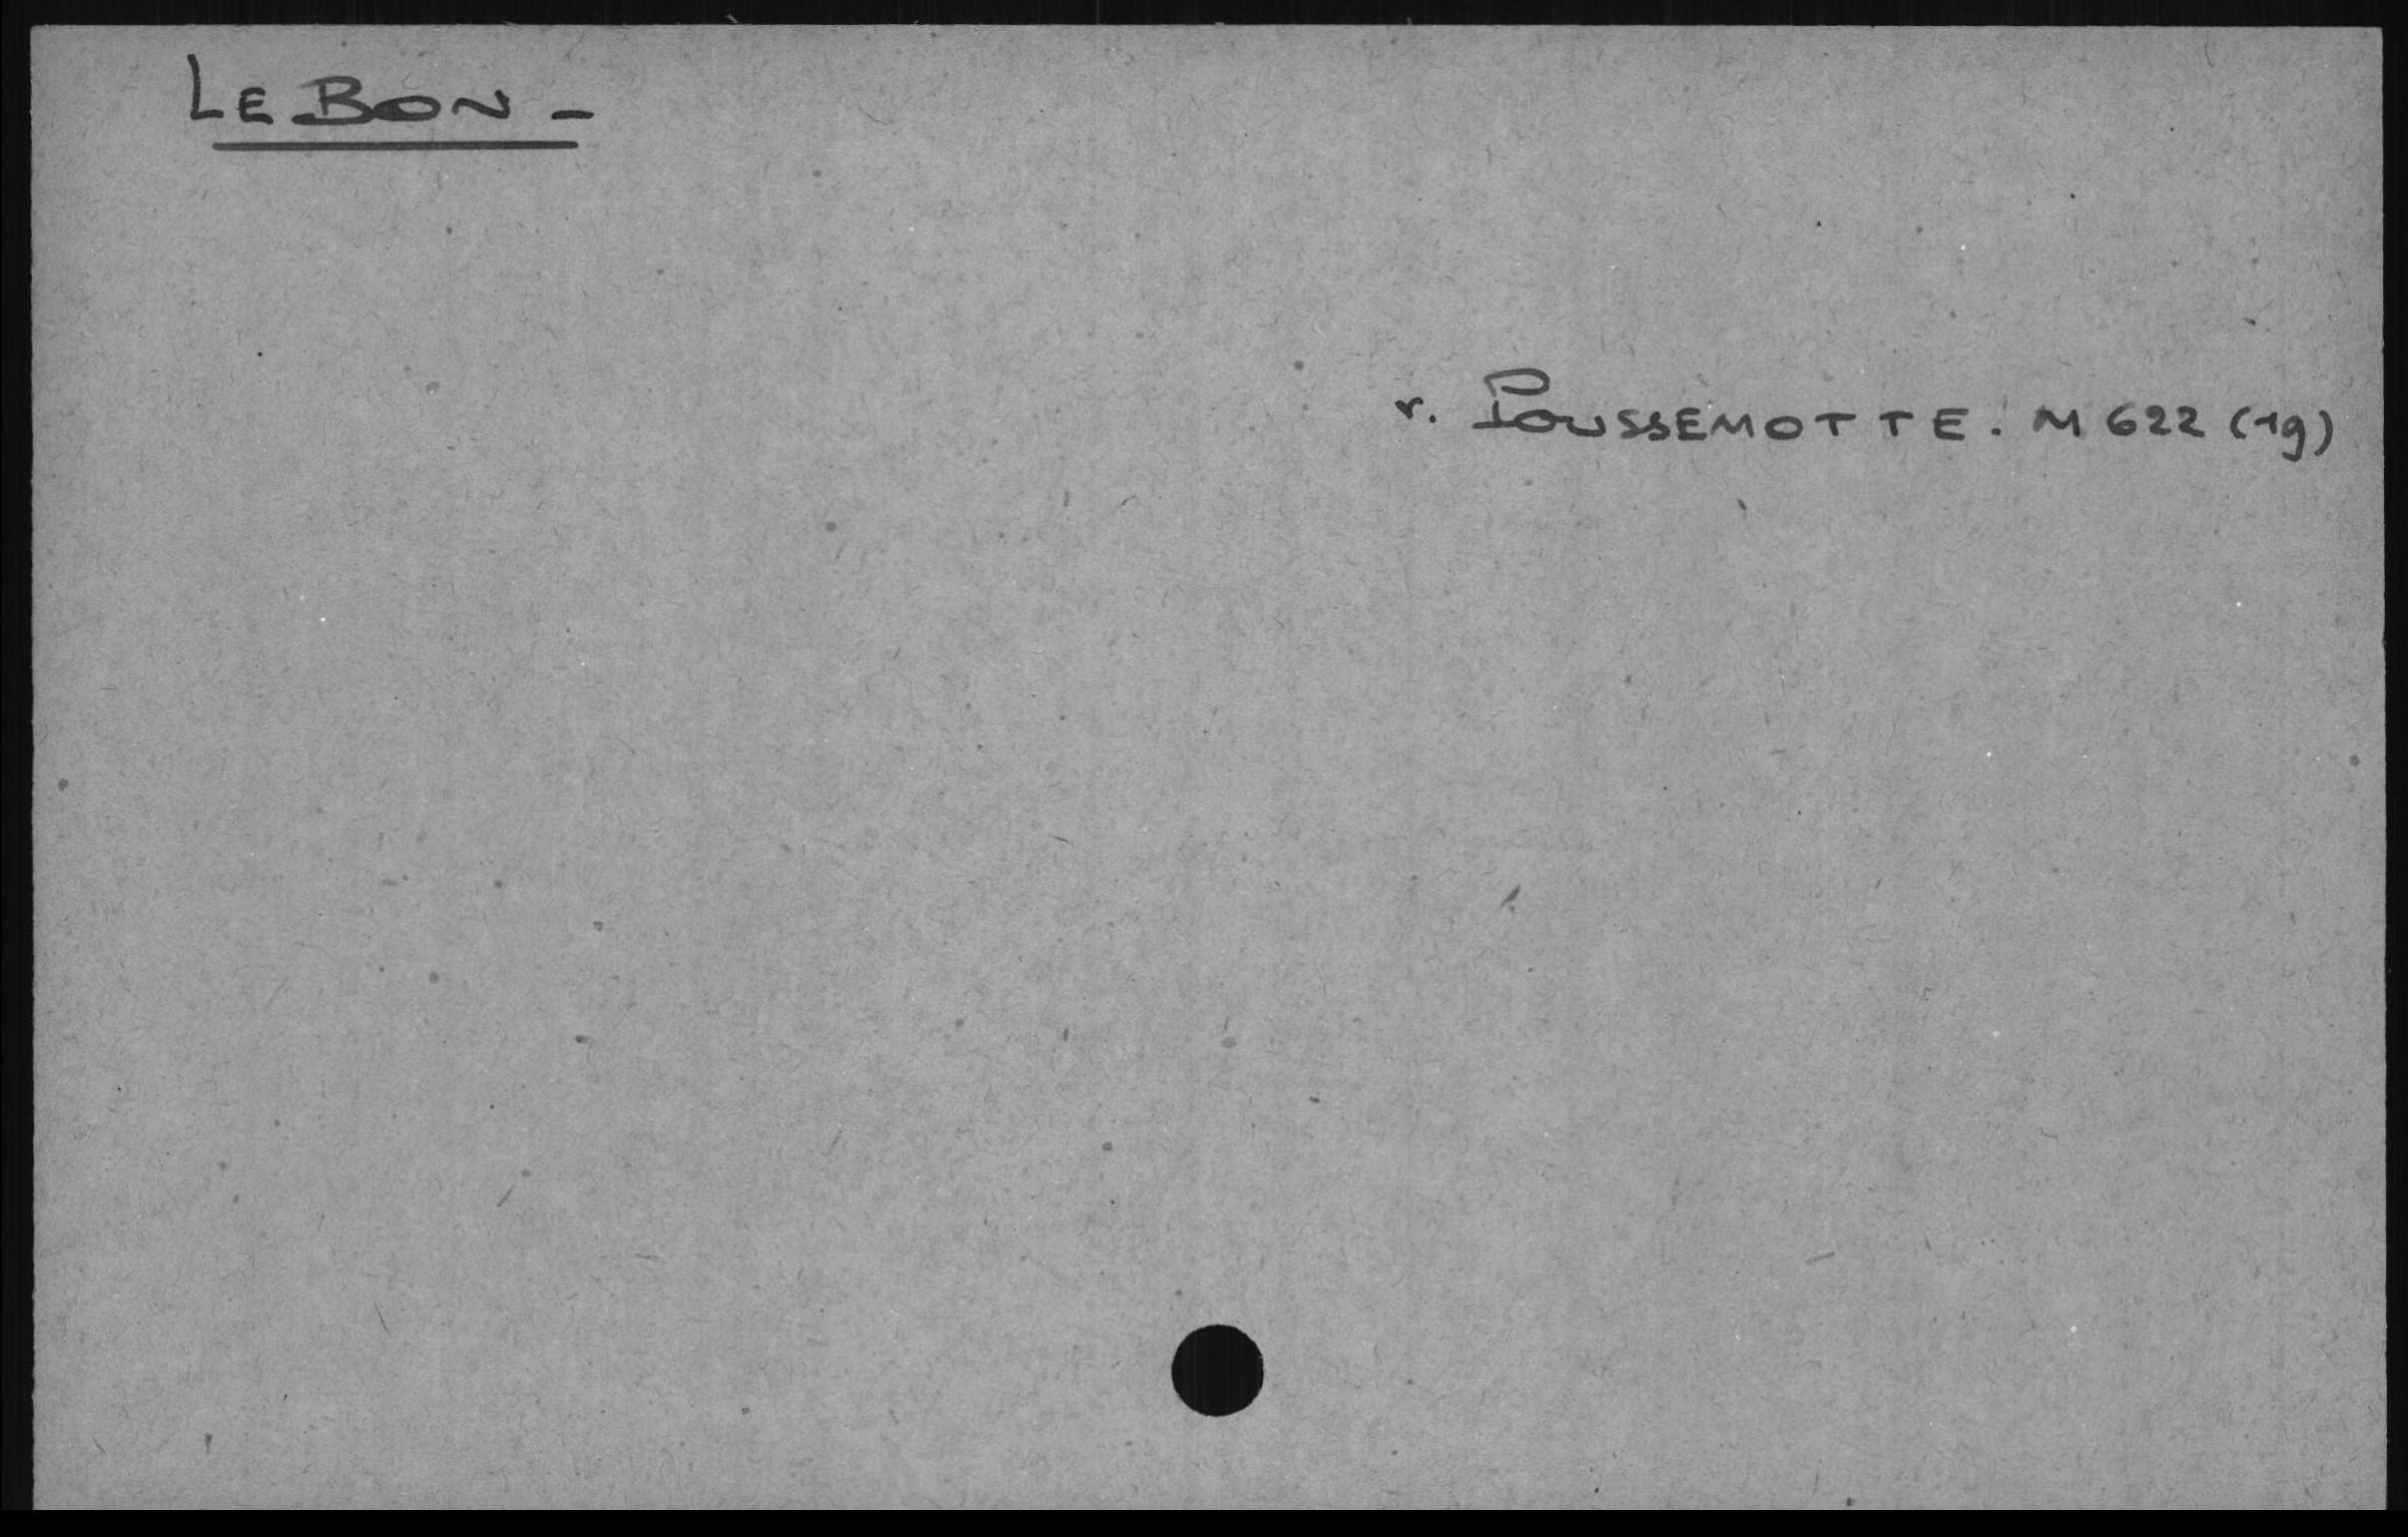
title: LE BON.
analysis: voir POUSSEMOTTE.
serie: M
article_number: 622
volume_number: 19
